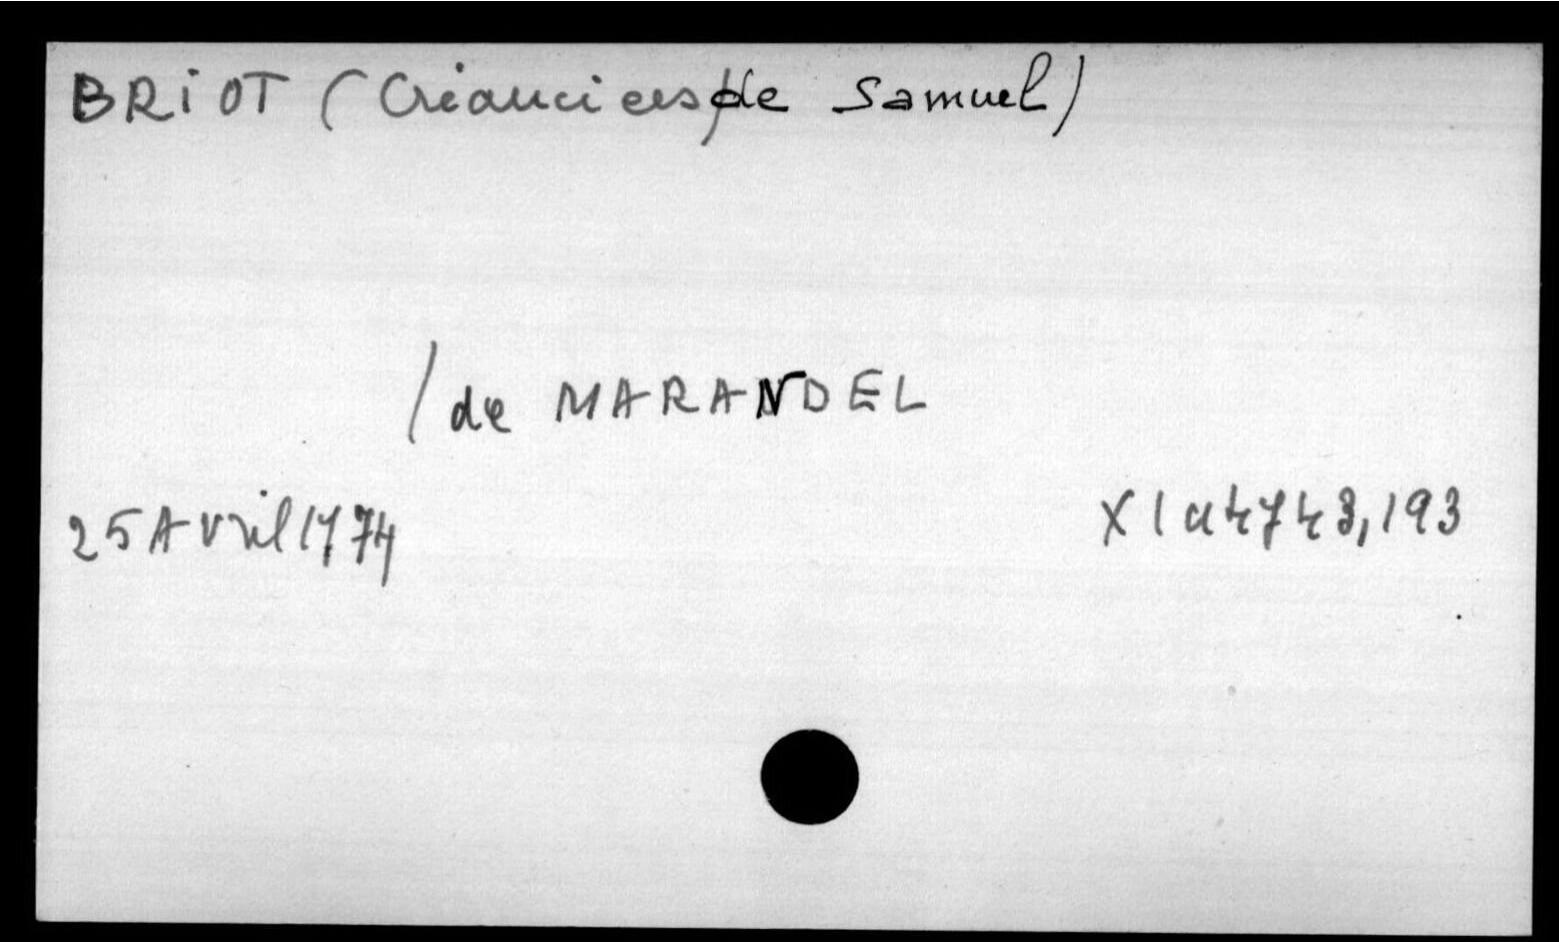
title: BRIOT (créanciers de Samuel)
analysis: Contre de MARANDEL
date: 25 avril 1774
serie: X1a
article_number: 4743
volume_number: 193
